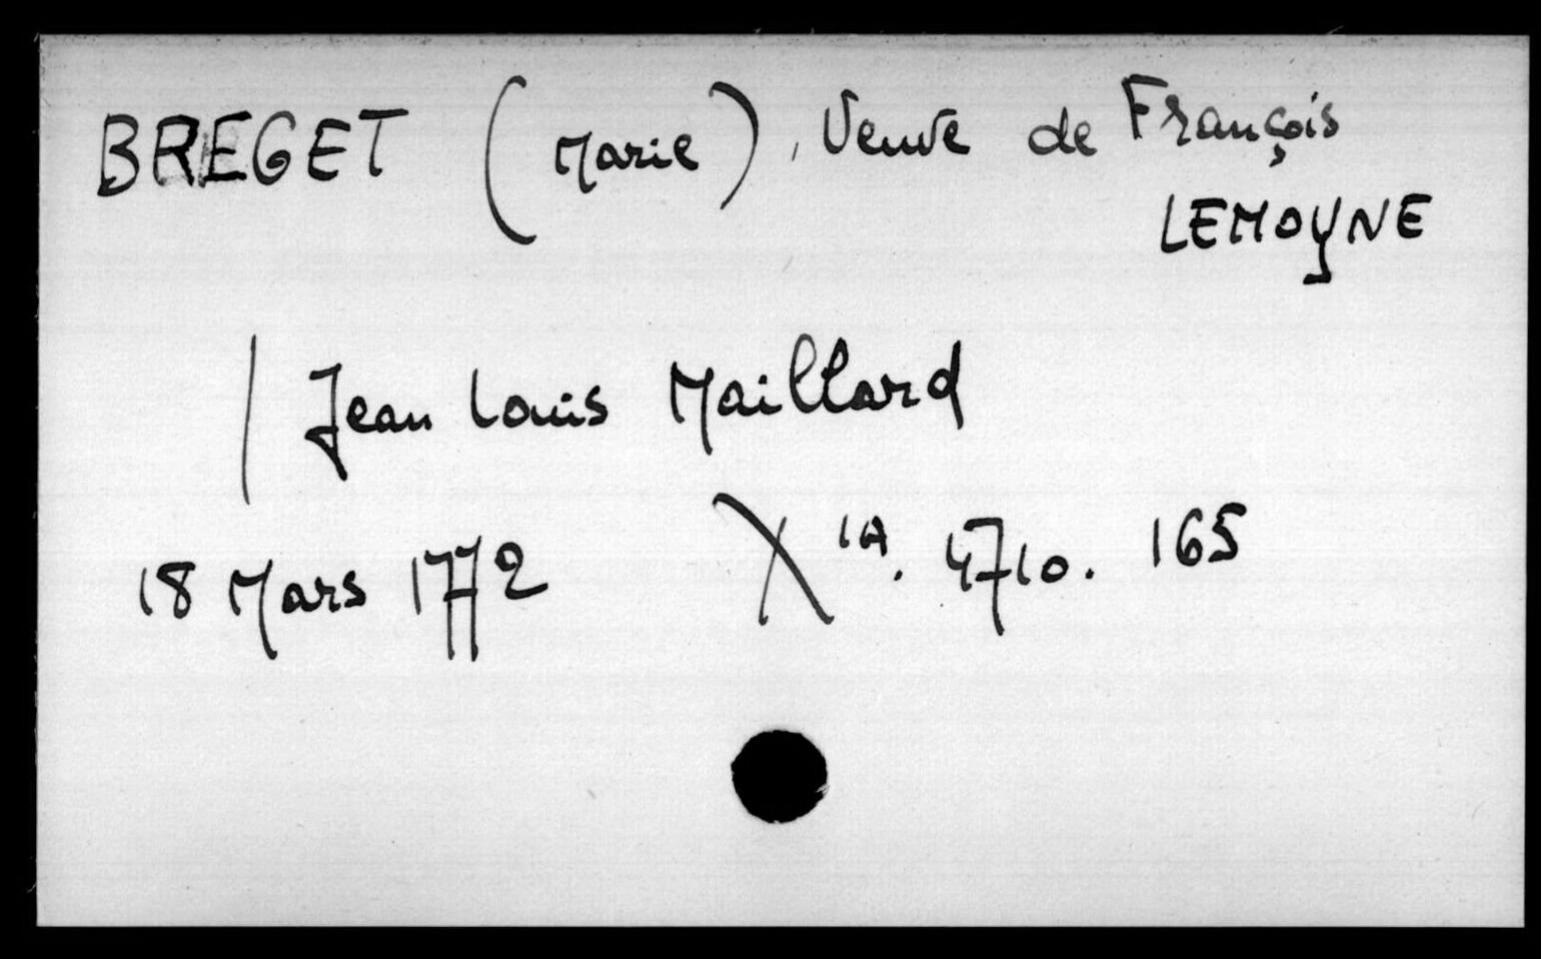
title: BREGET (Marie), Veuve de François LEMOYNE
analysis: Contre Jean Louis Maillard
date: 18 mars 1772
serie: X1A
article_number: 4710
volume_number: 165
